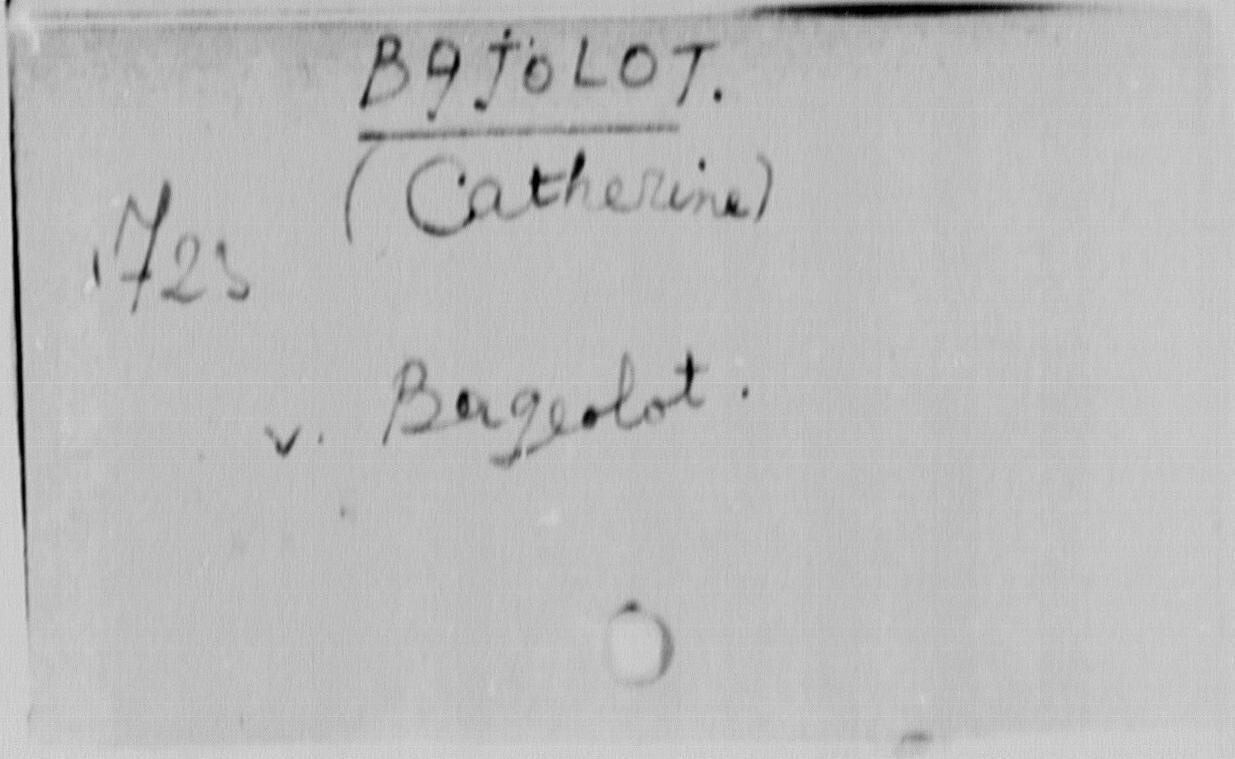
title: BAJOLOT (Catherine)
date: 1723
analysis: Voir Bageolot
